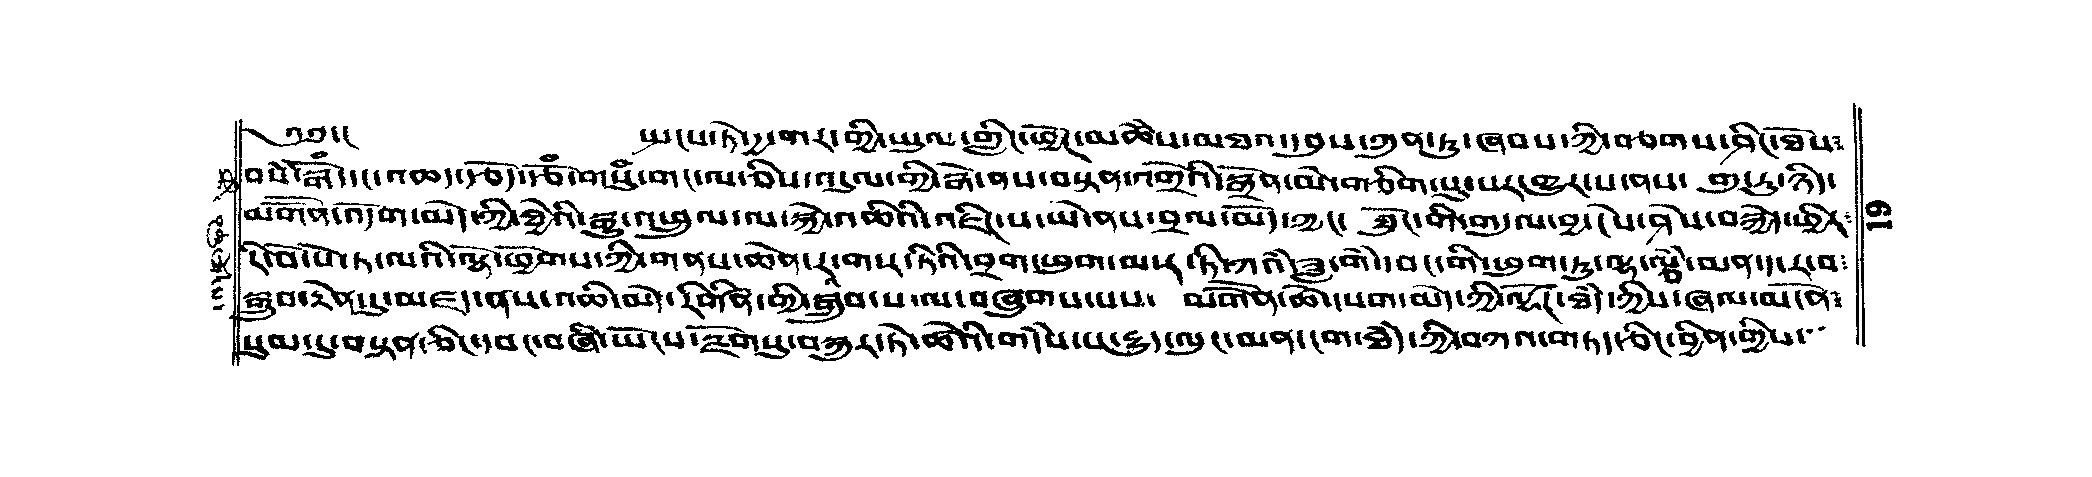སྤངས་ཏེ་རྒྱ་གར་གྱི་ཡུལ་གླིང་ཕྱོགས་མཚམས་མཐའ་དབུས་ཀུན་ཏུ་ཞབས་ཀྱི་བཅགས་ཤིང་ཐོས་
བསམ་སྒོམདང་འཆད་རྩོད་རྩོམ་གསུམ་གང་ལ་ཅིས་འདུལ་གྱི་སྒོ་ནས་བསྟན་འགྲོའི་སྒྲོན་མེ་གཅིག་པུ་སར་གྱུར་པ་ནས། གུ་རུ་ཉིད་
མགོན་པོ་འདོག་མེད་ཀྱི་ཐུགས་རྗེའི་སྒྱུ་འཕྲུལ་ལ་སྐྱེ་འཆེའི་འཇིགས་པ་ཡེ་ནས་བྲལ་མོད་ཀྱང་། ཐུན་མོང་གི་གདུལ་བྱ་ངེས་ཤེས་བསྐྱོད་ཕྱིར་
རི་བོ་པོ་ཏ་ལའི་ལྷོ་ཕྱོགས་ཀྱི་གནས་ཆེན་རཱ་ག་ར་རིའི་བྲག་ཕུག་མ་ར་རི་ཀའམ་ཟླ་གམ་དབང་གི་ཕུག་ཏུ་ལྷ་ལྕམ་མན་ད་ར་བ་
སྒྲུབ་རྟེན་དུ་མཛད་ནས་འཆི་མེད་རིག་འཛིན་གྱི་སྒྲུབ་པ་ལ་བཞུགས་པས། མགོན་པོ་ཚེ་དཔག་མེད་ཀྱི་ལྷ་ཚོགས་ཐམས་ཅད་ཀྱིས་ཞལ་མངོན་
སུམ་དུ་བསྟན་ཅིང་དབང་བཞི་ཡོངས་རྫོགས་སུ་བསྐུར་ཏེ་ཚེའི་གདམས་པ་རྒྱུད་ལུང་མན་ངག་ཐམས་ཅད་ཀྱི་བཀའ་གཏད་ཅིང་བྱིན་གྱིས་